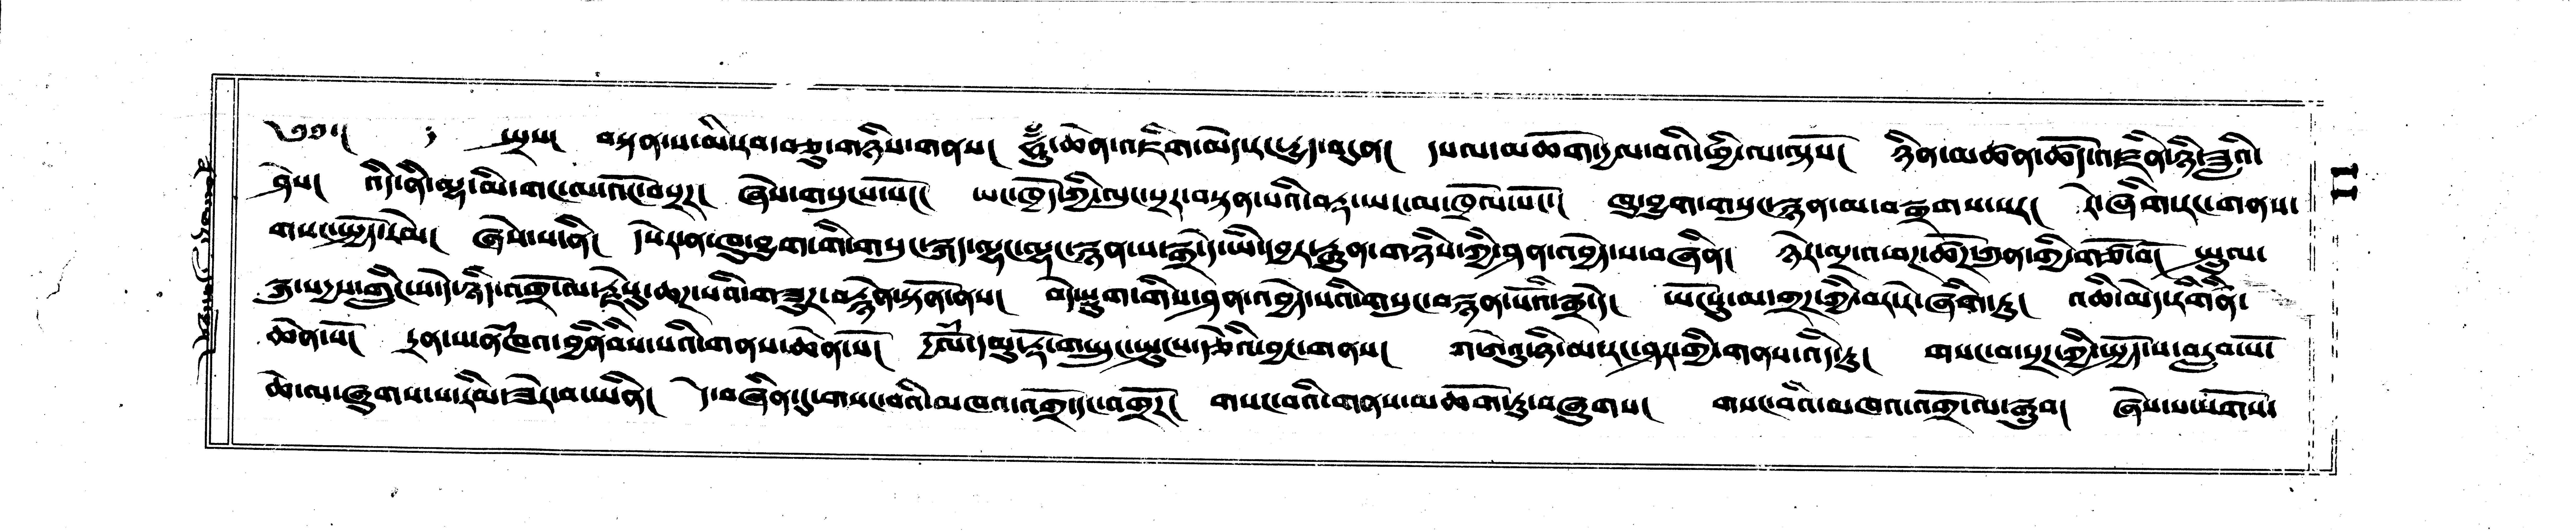སྤྲས། བསྟན་པ་མི་རབས་བཅུ་གཉིས་གནས། ཧཱུཾ་ཆེན་འཇིགས་མེད་རང་རྒྱུད་བདུན། དཔལ་མཆོག་རྒྱལ་བའི་ཕྱི་ལ་ལྟོས། ཉིན་མཚན་ཚོད་འཛིན་ཉི་ཟླའི་
ཤེས། འདི་ནི་ལྷ་མི་གང་ལའང་བསྔགས། ཞེས་གསུངས་སོ། །ཡང་ཁྱོད་ཀྱི་ལུང་སྔར་བསྟན་པའི་བརྡ་ཡང་མ་ཁྲོལ་སོང་། ཁུ་བྱུག་གསུང་སྙན་མ་བསྒྲགས་སར། རེ་ཞིག་རང་གནས་གསང་སྤྱོད་རེམ། ཞེས་པ་ནི། དཔེར་ན་ཁུ་བྱུག་གི་གསུང་སྐད་ལྷང་ལྷང་སྙན་པ་སྒྲ་དེ་ཡི་དབྱར་དགུན་གཉིས་ཀྱི་ཤན་འབྱེད་པ་བཞིན། ཉེར་ལྔ་འཕགས་ཚོགས་ཀུན་གྱི་གཙོ་བོ། སྤྲུལ་
སྐུ་སངས་རྒྱས་གླིང་པ་དེ་ཉིད་འགྲོ་ལ་རྗེས་སུ་ཆགས་པའི་གཟུགས་བརྙན་སྟོན་ནས་བདེ་སྡུག་གི་ཤན་འབྱེད་པའི་གསུང་སྙན་པོའི་སྒྲ་དེ། ཡོངས་སུ་མ་གྲགས་པའི་བར་རེ་ཞིག་ཏུ། འཆི་མེད་རིག་འཛིན་
ཆེན་པོ། དྲན་པ་ནམ་མཁས་བྱིན་གྱིས་བརླབས་པའི་གནས་ཆེན་པོ། རྒྱལ་མོ་དམུ་རྡོ་གཡུང་དྲུང་སྤུངས་རྩེའི་བྱང་གནས། ཀ་ཀེའུ་ཉི་མ་རང་ཤར་གྱི་གནས་འདི་རུ། གསང་བ་སྔགས་ཀྱི་སྤྱོད་པ་རླབས་པོ་
ཆེ་ལ་ཞུགས་པ་རེམ་ཟེར་བ་ཡིན། དེ་བཞིན་དུ་གསང་བའི་མཁའ་འགྲོ་དང་འགྲོགས། གསང་བའི་གནས་མཆོག་ཏུ་བཞུགས། གསང་བའི་མཁའ་འགྲོ་ལ་བསྒྲུབས། ཞེས་པ་སོགས་